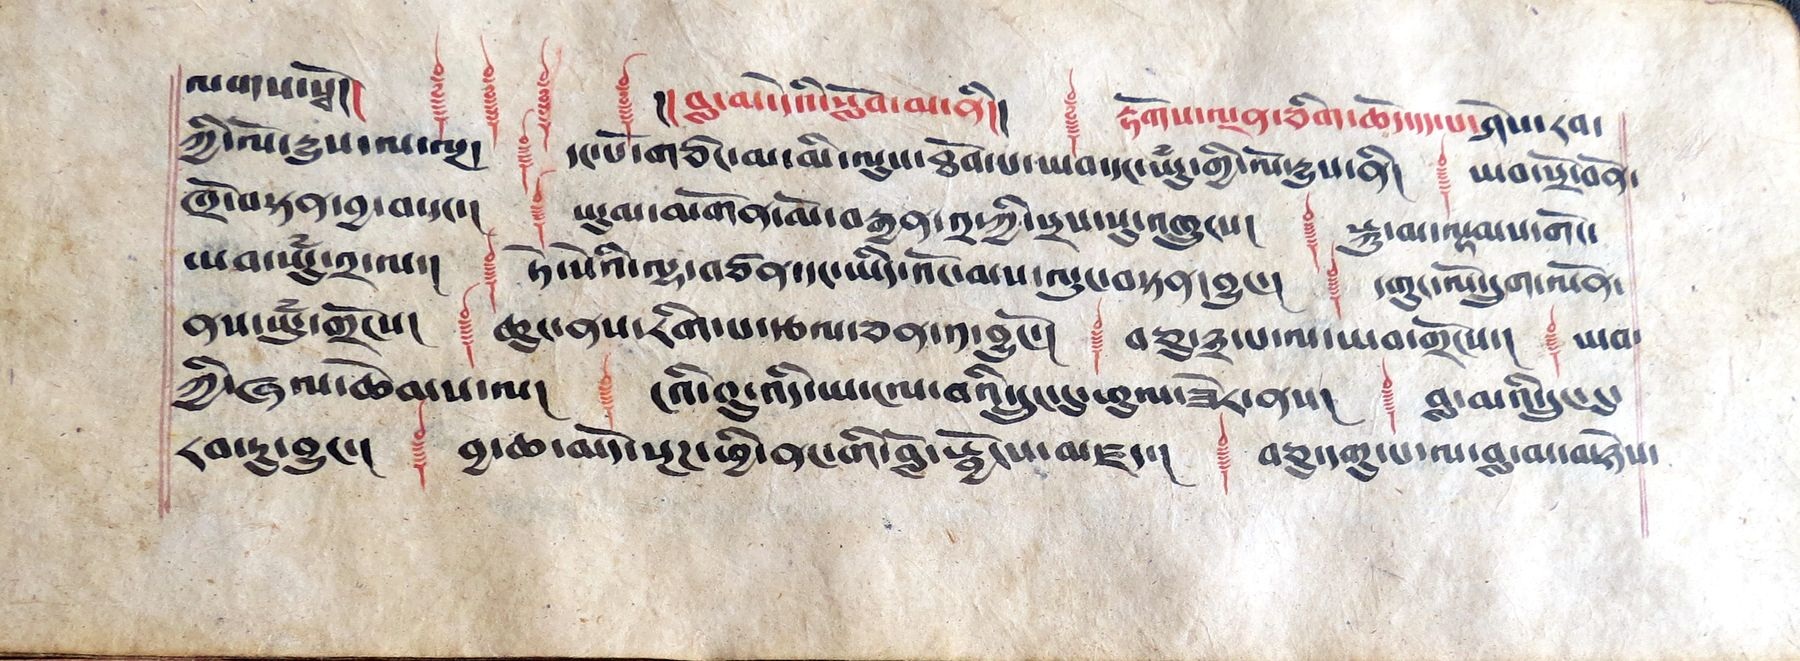ལགས་སོ། ། བླ་མ་དེའི་སློབ་མ་ནི། རྟོགས་ལྡན་གཅིག་ཆོད་དད་པ་ཤེས་རབ་
ཀྱི་ལོ་རྒྱུས་ལ་ལྔ། དང་པོ་གཙང་མ་མི་ལུས་ཐོབ་པ་ཡབ་དང་ཡུམ་གྱི་ལོ་རྒྱུས་ནི། ཡབ་སྲོ་བོན་
ཁྲོ་བསྟན་བྱ་བ་དང་། ཡུམ་མགོན་མོ་རྒྱན་གཉིས་ཀྱི་སྲས་སུ་འཁྲུངས། སྐུ་མ་བལྟམས་གོང་
ཡབ་ཡུམ་གཉིས་ལ། ཏི་སེའི་ལྷ་བཙན་དང་ཡིད་འོང་མས་ལུང་བསྟན་བྱུང་། དགུང་ལོ་དྲུག་ལོན་
ནས་ཡུམ་གྲོངས། ཆུང་ནས་རིག་པ་རྩལ་ཆེན་ཞིག་བྱུང་ངོ་། ། བཅུ་གསུམ་པ་ལ་ཡབ་གྲོངས། ཡབ་
ཀྱི་ཞལ་ཆེམ་ལ། ང་ཡི་བུ་འདི་ཡ་ངལ་བའི་དྲུང་དུ་ཕུལ་ཟེར་ནས། བླ་མའི་དྲུང་དུ་
རབ་ཏུ་བྱུང་། བྱ་ཆ་མདོ་སྔགས་ཕྱི་ནང་གི་བློ་སྦྱོངས་མཛད། བཅུ་དགུ་པ་ལ་བླ་མ་མཉེས་